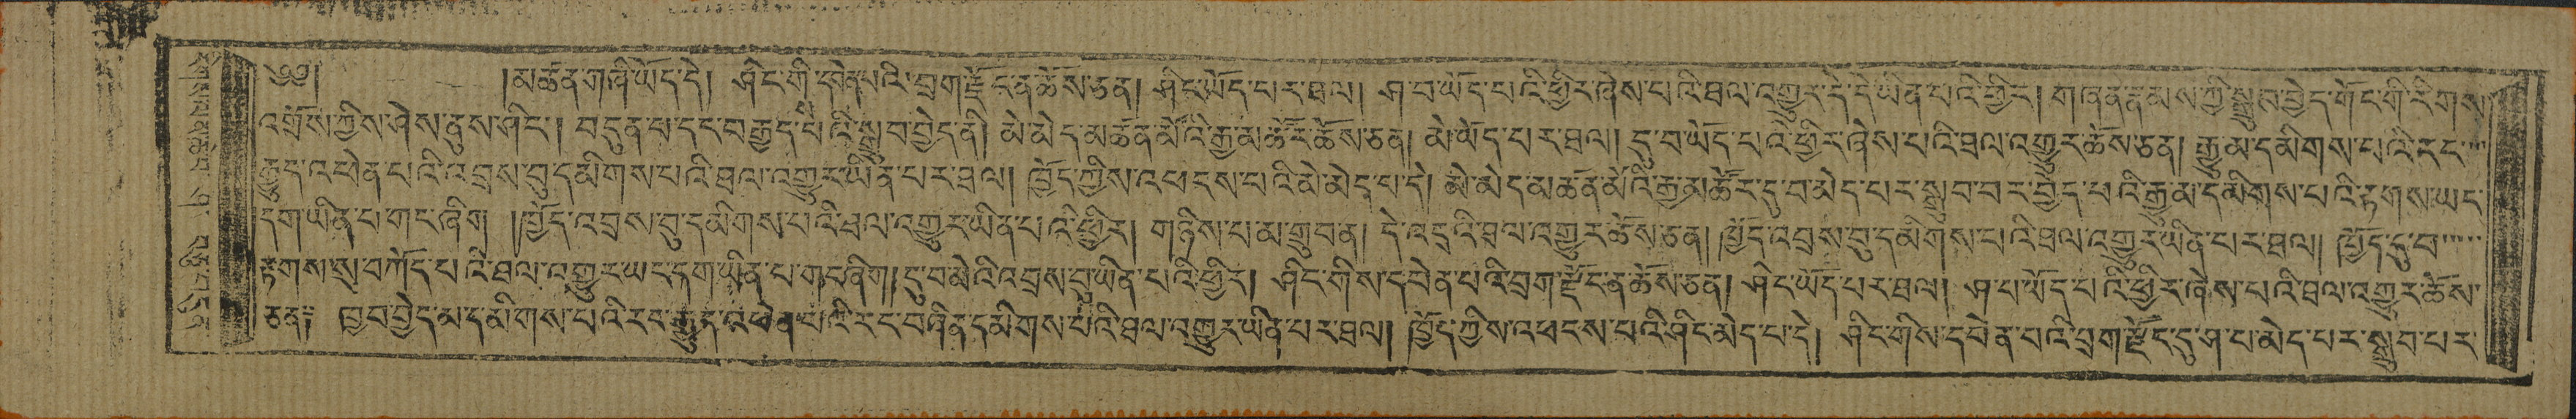༄༅། །མཚན་གཞི་ཡོད་དེ། ཤིང་གིས་དབེན་པའི་བྲག་རྗོད་ན་ཆོས་ཅན། ཤིང་ཡོད་པར་ཐལ། ཤ་བ་ཡོད་པའི་ཕྱིར་ཞེས་པའི་ཐལ་འགྱུར་དེ་དེ་ཡིན་པའི་ཕྱིར། གཞན་རྣམས་ཀྱི་སྒྲུབ་བྱེད་གོང་གི་རིགས་
འགྲོས་ཀྱིས་ཤེས་ནུས་ཤིང་། བདུན་པ་དང་བརྒྱད་པའི་སྒྲུབ་བྱེད་ནི། མེ་མེད་མཚན་མོའི་རྒྱ་མཚོར་ཆོས་ཅན། མེ་ཡོད་པར་ཐལ། དུ་བ་ཡོད་པའི་ཕྱིར་ཞེས་པའི་ཐལ་འགྱུར་ཆོས་ཅན། རྒྱུ་མ་དམིགས་པའི་རང་
རྒྱུད་འཕེན་པའི་འབྲས་བུ་དམིགས་པའི་ཐལ་འགྱུར་ཡིན་པར་ཐལ། ཁྱོད་ཀྱིས་འཕངས་པའི་མེ་མེད་པ་དེ། མེ་མེད་མཚན་མོའི་རྒྱ་མཚོར་དུ་བ་མེད་པར་སྒྲུབ་པར་བྱེད་པའི་རྒྱུ་མ་དམིགས་པའི་རྟགས་ཡང་
དག་ཡིན་པ་གང་ཞིག །ཁྱོད་འབྲས་བུ་དམིགས་པའི་ཐལ་འགྱུར་ཡིན་པའི་ཕྱིར། གཉིས་པ་མ་གྲུབ་ན། དེ་འདྲའི་ཐལ་འགྱུར་ཆོས་ཅན། ཁྱོད་འབྲས་བུ་དམིགས་པའི་ཐལ་འགྱུར་ཡིན་པར་ཐལ། ཁྱོད་དུ་བ་
རྟགས་སུ་བཀོད་པའི་ཐལ་འགྱུར་ཡང་དག་ཡིན་པ་གང་ཞིག །དུ་བ་མེའི་འབྲས་བུ་ཡིན་པའི་ཕྱིར། ཤིང་གིས་དབེན་པའི་བྲག་རྫོང་ན་ཆོས་ཅན། ཤིང་ཡོད་པར་ཐལ། ཤ་པ་ཡོད་པའི་ཕྱིར་ཞེས་པའི་ཐལ་འགྱུར་ཆོས་
ཅན༑ ཁྱབ་བྱེད་མ་དམིགས་པའི་རང་རྒྱུད་འཕེན་པའི་རང་བཞིན་དམིགས་པའི་ཐལ་འགྱུར་ཡིན་པར་ཐལ། ཁྱོད་ཀྱིས་འཕངས་པའི་ཤིང་མེད་པ་དེ། ཤིང་གིས་དབེན་པའི་བྲག་རྫོང་དུ་ཤ་པ་མེད་པར་སྒྲུབ་པར་